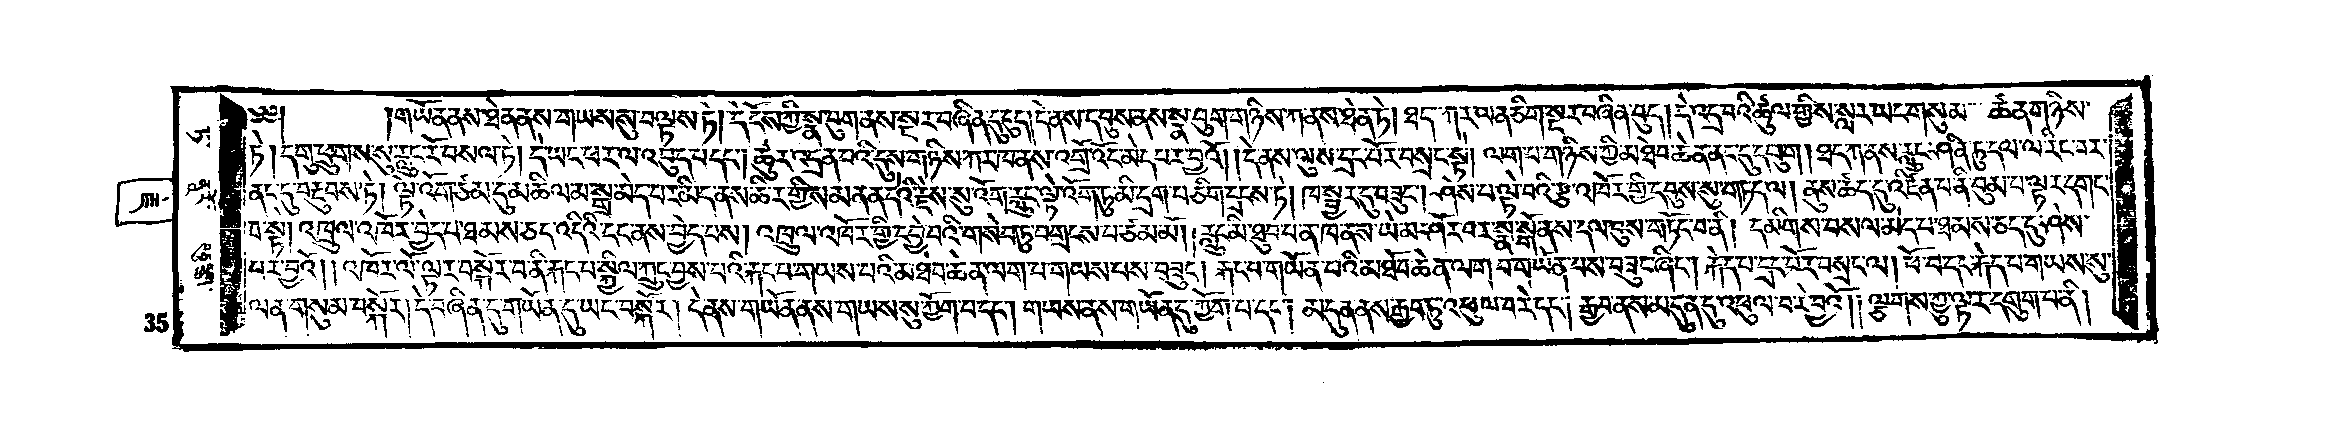༄༅། །གཡོན་ནས་ཐེན་ནས་གཡས་སུ་བལྟས་ཏེ། དེ་ངོས་ཀྱི་སྣ་བུག་ནས་སྔར་བཞིན་དུ་པུད། དེ་ནས་དབུས་ནས་སྣ་བུག་གཉིས་ཀ་ནས་ཐེན་ཏེ། ཐད་ཀར་ལན་ཅིག་སྔར་བཞིན་བུད། དེ་འདྲ་བའི་ཚུལ་གྱིས་སླར་ཡང་གསུམ་ཚན་གཉིས་
ཏེ། དགུ་ཕྲུགས་སུ་རླུང་རོ་བསལ་ཏེ། དེ་ཡང་ཕར་ལ་འབུད་པ་དང་། ཚུར་འདྲེན་པའི་དུས་གཉིས་ཀར་ཁ་ནས་འགྲོ་འོང་མེད་པར་བྱའོ། །དེ་ནས་ལུས་དྲང་པོར་བསྲང་སྟེ། ལག་པ་གཉིས་ཀྱི་མཐེབ་ཆེན་ནང་དུ་དགུག །ཐད་ཀ་ནས་རླུང་ཤིན་ཏུ་དལ་ལ་རིང་ངར་
ནང་དུ་བརྔུབས་ཏེ། ལྟེ་འོག་ཙམ་དུ་མཆིལ་མ་སྒྲ་མེད་པར་མིད་ནས་ཆིར་གྱིས་མནན་དེའི་རྗེས་སུ་འོག་རླུང་ལྟེ་འོག་ཏུ་མི་དྲག་པ་ཅིག་དྲངས་ཏེ། ཁ་སྦྱར་དུ་བཟུང་། ཤེས་པ་ལྟེ་བའི་རྩ་འཁོར་གྱི་དབུས་སུ་གཏད་ལ། ནུས་ཚད་དུ་འཛིན་པ་ནི་བུམ་པ་ལྟར་དགང་
བ་སྟེ། འཁྲུལ་འཁོར་བྱེད་པ་ཐམས་ཅད་འདིའི་ངང་ནས་བྱེད་པས། འཁྲུལ་འཁོར་གྱི་དབྱེ་བའི་གསེབ་ཏུ་བགྲངས་པ་ཙམ་མོ། །རླུང་མི་ཐུབ་པ་ན་ཁ་ནས་ཡེ་མ་ཤོར་བར་སྣ་སྒོ་ནས་དལ་བུས་གཏོང་བ་ནི། དམིགས་བསལ་མེད་པ་ཐམས་ཅད་དུ་ཤེས་
པར་བྱའོ། །འཁོར་ལོ་ལྟར་བསྐོར་བ་ནི་རྐང་པ་སྐྱིལ་ཀྲུང་བྱས་པའི་རྐང་པ་གཡས་པའི་མཐེབ་ཆེན་ལག་པ་གཡས་པས་བཟུང་། རྐང་པ་གཡོན་པའི་མཐེབ་ཆེན་ལག་པ་གཡོན་པས་བཟུང་ཞིང་། རྐེད་པ་དྲང་པོར་བསྲང་ལ། ཕོ་བ་དང་རྐེད་པ་གཡས་སུ་
ལན་གསུམ་བསྐོར། དེ་བཞིན་དུ་གཡོན་དུ་ཡང་བསྐོར། དེ་ནས་གཡོན་ནས་གཡས་སུ་ཀྱོག་པ་དང་། གཡས་ནས་གཡོན་དུ་ཀྱོག་པ་དང་། མདུན་ནས་རྒྱབ་ཏུ་འཕུལ་བ་རེ་དང་། རྒྱབ་ནས་མདུན་དུ་འཕུལ་བ་རེ་བྱའོ། །ལྕགས་ཀྱུ་ལྟར་དགུག་པ་ནི།